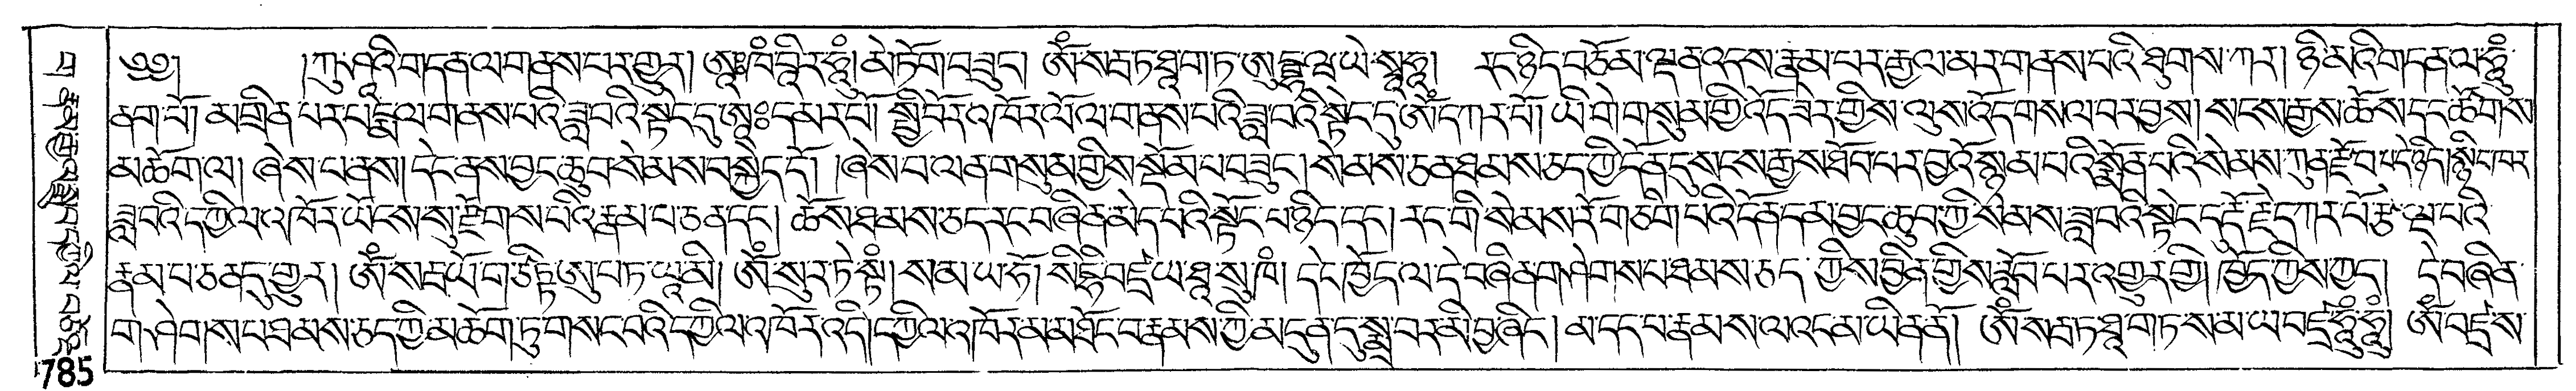༄༅། །ཀུ་ཤཱའི་གདན་ལ་གནས་པར་གྱུར། ཨཱཿ ཁཾ་བཱི་ར་ཧཱུཾ། མེ་ཏོག་བཟུང་། ཨོཾ་སརྦ་ཏ་ཐཱ་ག་ཏ་ཨུདབྷ་ཝ་ཡེ་སྭཱཧཱ། རང་ཉིད་བཅོམ་ལྡན་འདས་རྣམ་པར་རྒྱལ་མར་གནས་པའི་ཐུགས་ཀར། ཉི་མའི་གདན་ལ་ཧཱུཾ་
ནག་པོ། མགྲིན་པར་པདམ་ལ་གནས་པའི་ཟླ་བའི་སྟེང་དུ་ཨཱཿ དམར་པོ། སྤྱི་བོར་འཁོར་ལོ་ལ་གནས་པའི་ཟླ་བའི་སྟེང་དུ་ཨོཾ་དཀར་པོ། ཡི་གེ་གསུམ་གྱི་འོད་ཟེར་གྱིས་ལུས་འོད་གསལ་བར་བྱས། སངས་རྒྱས་ཆོས་དང་ཚོགས་
མཆོག་ལ། ཞེས་པ་ནས། དེང་ནས་བྱང་ཆུབ་སེམས་བསྐྱེད་དོ། །ཞེས་པ་ལན་གསུམ་གྱིས་སྡོམ་པ་བཟུང་། སེམས་ཅན་ཐམས་ཅད་ཀྱི་དོན་དུ་སངས་རྒྱས་ཐོབ་པར་བྱའོ་སྙམ་པའི་སྨོན་པའི་སེམས་ཀུན་རྫོབ་པ་དེ་ཉིད། སྙིང་ཁར་
ཟླ་བའི་དཀྱིལ་འཁོར་ཡོངས་སུ་རྫོགས་པའི་རྣམ་པ་ཅན་དང་། ཆོས་ཐམས་ཅད་རང་བཞིན་མེད་པའི་སྟོང་པ་ཉིད་དང་། རང་གི་སེམས་རོ་གཅིག་པའི་དོན་དམ་བྱང་ཆུབ་ཀྱི་སེམས་ཟླ་བའི་སྟེང་དུ་རྡོ་རྗེ་དཀར་པོ་རྩེ་ལྔ་པའི་
རྣམ་པ་ཅན་དུ་གྱུར། ཨོཾ་སརྦ་ཡོ་ག་ཙིཏྟ་ཨུ་པ་ཏ་ཡཱ་མི། ཨོཾ་སུ་ར་ཏེ་སྟཾ། ས་མ་ཡ་ཧོ། སིདྷི་བཛྲ་ཡ་ཐཱ་སུ་ཁཾ། དེང་ཁྱོད་ལ་དེ་བཞིན་གཤེགས་པ་ཐམས་ཅད་ཀྱིས་བྱིན་གྱིས་རློབ་པར་འགྱུར་གྱི། ཁྱོད་ཀྱིས་ཀྱང་། དེ་བཞིན་
གཤེགས་པ་ཐམས་ཅད་ཀྱི་མཆོག་ཏུ་གསང་བའི་དཀྱིལ་འཁོར་འདི། དཀྱིལ་འཁོར་མ་མཐོང་བ་རྣམས་ཀྱི་མདུན་དུ་སྨྲ་བར་མི་བྱ་ཞིང་། མ་དད་པ་རྣམས་ལའང་མ་ཡིན་ནོ། ཨོཾ་སརྦ་ཏ་ཐཱ་ག་ཏ་ས་མ་ཡ་བཛྲ་ཧཱུཾ་ཧཱུཾ། ཨོཾ་བཛྲ་ས་